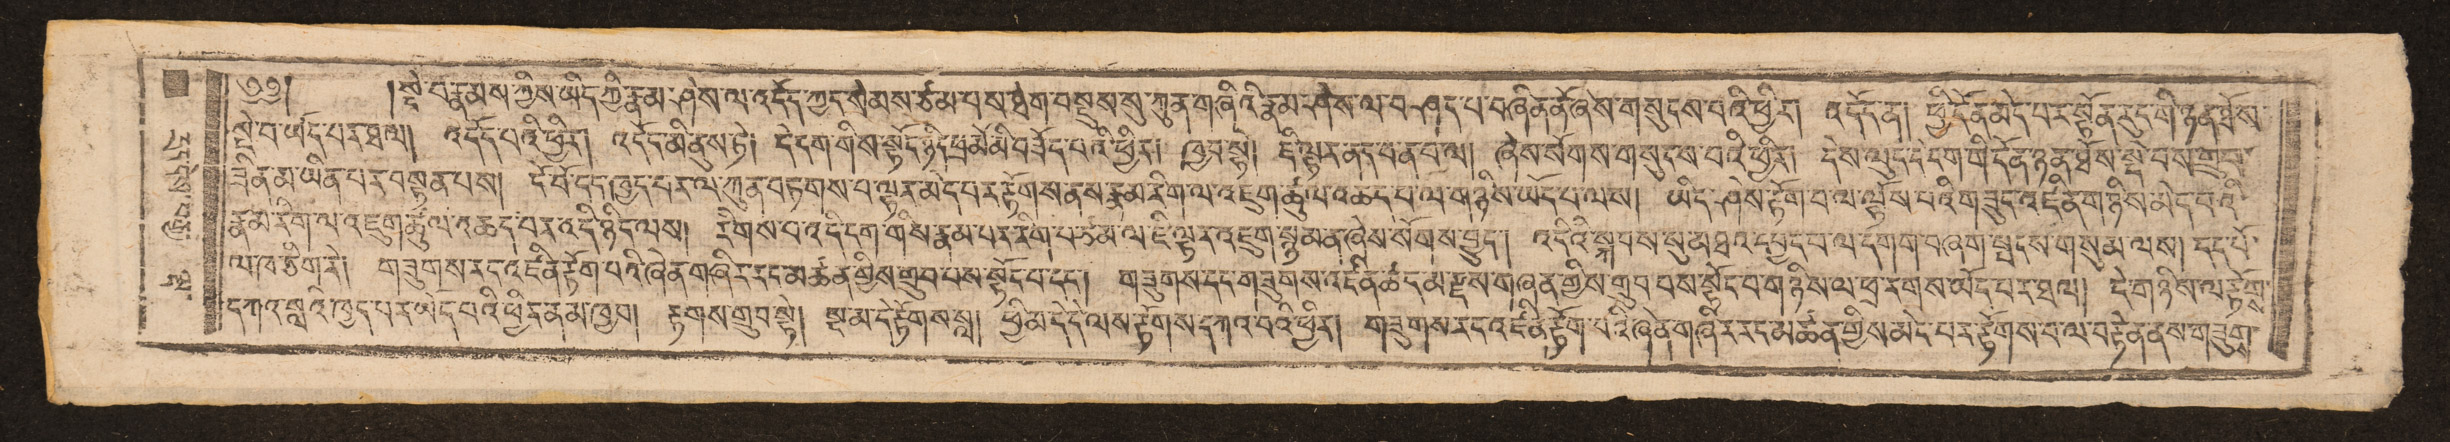༄༅། །སྡེ་པ་རྣམས་ཀྱིས་ཡིད་ཀྱི་རྣམ་ཤེས་ལ་འདོད་ཀྱང་སེམས་ཙམ་པས་ཐེག་བསྡུས་སུ་ཀུན་གཞིའི་རྣམ་ཤེས་ལ་བཤད་པ་བཞིན་ནོ་ཞེས་གསུངས་པའི་ཕྱིར། འདོད་ན། ཕྱི་དོན་མེད་པར་སྟོན་རུང་གི་ཉན་ཐོས་
སྡེ་པ་ཡོད་པར་ཐལ། འདོད་པའི་ཕྱིར། འདོད་མི་ནུས་ཏེ། དེ་དག་གིས་སྟོང་ཉིད་ཕྲ་མོ་མི་བཟོད་པའི་ཕྱིར། ཁྱབ་སྟེ། ཇི་ལྟར་ནད་པ་ན་པ་ལ། ཞེས་སོགས་གསུངས་པའི་ཕྱིར། དེས་ལུང་དེ་དག་གི་དོན་ཉན་ཐོས་སྡེ་པས་གྲུབ་
ཟིན་མ་ཡིན་པར་བསྟན་པས། ངོ་བོ་དང་ཁྱད་པར་ལ་ཀུན་བཏགས་པ་ལྟར་མེད་པར་རྟོགས་ནས་རྣམ་རིག་ལ་འཇུག་ཚུལ་འཆད་པ་ལ་གཉིས་ཡོད་པ་ལས། ཡིད་ཤེས་རྟོག་པ་ལ་ལྟོས་པའི་གཟུང་འཛིན་གཉིས་མེད་པའི་
རྣམ་རིག་ལ་འཇུག་ཚུལ་འཆད་པར་འདི་ཉིད་ལས། རིགས་པ་འདི་དག་གིས་རྣམ་པར་རིག་པ་ཙམ་ལ་ཇི་ལྟར་འཇུག་སྙམ་ན་ཞེས་སོགས་བྱུང་། འདིའི་སྐབས་སུ་མཐའ་དཔྱད་པ་ལ་དགག་བཞག་སྤངས་གསུམ་ལས། དང་པོ་
ལ་ཁ་ཅིག་རེ། གཟུགས་རང་འཛིན་རྟོག་པའི་ཞེན་གཞིར་རང་མཚན་གྱིས་གྲུབ་པས་སྟོང་པ་དང་། གཟུགས་དང་གཟུགས་འཛིན་ཚང་མ་རྫས་གཞན་གྱིས་གྲུབ་པས་སྟོང་པ་གཉིས་ལ་ཕྲ་རགས་ཡོད་པར་ཐལ། དེ་གཉིས་ལ་རྟོགས་
དཀའ་སླའི་ཁྱད་པར་ཡོད་པའི་ཕྱིར་ན་མ་ཁྱབ། རྟགས་གྲུབ་སྟེ། སྔ་མ་དེ་རྟོགས་སླ། ཕྱི་མ་དེ་དེ་ལས་རྟོགས་དཀའ་བའི་ཕྱིར། གཟུགས་རང་འཛིན་རྟོག་པའི་ཞེན་གཞིར་རང་མཚན་གྱིས་མེད་པར་རྟོགས་པ་ལ་བརྟེན་ནས་གཟུགས་